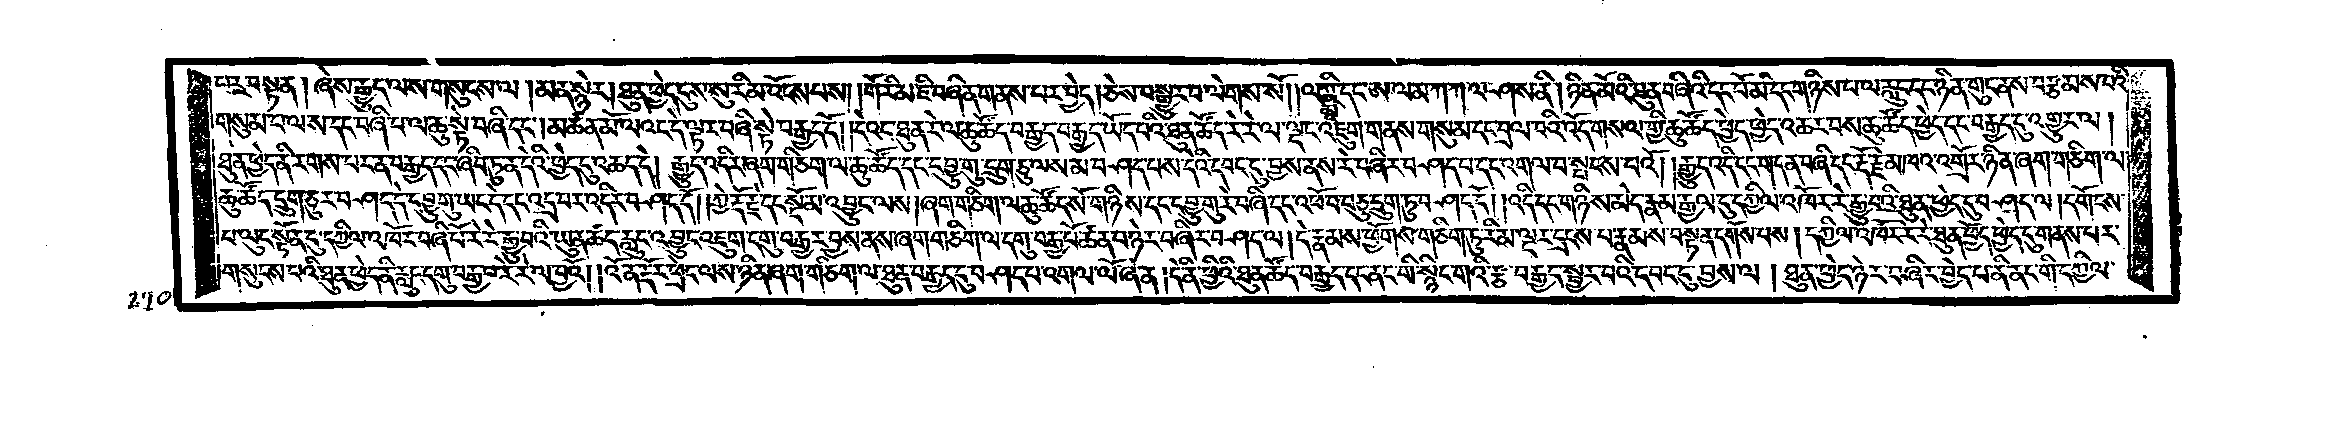པར་བསྟན། ཞེས་རྒྱུད་ལས་གསུངས་ལ། མན་སྙེར། ཐུན་ཕྱེད་དུས་སུ་རིམ་འོངས་པས། །གོ་རིམ་ཇི་བཞིན་གནས་པར་བྱེད། ཅེས་བསྒྱུར་བ་ལེགས་སོ། །ལཀྵྨཱི་དང་ཨ་ལམ་ཀ་ཀ་ལ་ཤས་ནི། ཉིན་མོའི་ཐུན་བཞིའི་དང་པོ་མེ་དང་གཉིས་པ་ལ་རླུང་དང་ཉིན་གུང་ནས་བརྩམས་པའི་
གསུམ་པ་ལས་དང་བཞི་པ་ལ་ཆུ་སྟེ་བཞི་དང་། མཚན་མོ་ལའང་དེ་ལྟར་བཞི་སྟེ་བརྒྱད་དོ། །དེའང་ཐུན་རེ་ལ་ཆུ་ཚོད་བརྒྱད་བརྒྱད་ཡོད་པའི་ཐུན་ཚོད་རེ་རེ་ལ་ལྡང་འཇུག་གནས་གསུམ་དང་བྲལ་བའི་འོད་གསལ་གྱི་ཆུ་ཚོད་ཕྱེད་ཕྱེད་འཆར་བས་ཆུ་ཚོད་ཕྱེད་དང་བརྒྱད་དུ་འགྱུར་ལ།
ཐུན་ཕྱེད་ནི་རགས་པར་ན་བརྒྱད་དང་ཞིབ་ཏུ་ན་དེའི་ཕྱེད་དུ་འཆད་དེ། རྒྱུད་འདིར་ཞག་གཅིག་ལ་ཆུ་ཚོད་དང་དབྱུ་གུ་དྲུག་ཅུ་ལས་མ་བཤད་པས་དེའི་དབང་དུ་བྱས་ནས་རེ་བཞིར་བཤད་པ་དང་འགལ་བ་སྤངས་པའོ། །རྒྱུད་འདི་དང་གདན་བཞི་དང་རྡོ་རྗེ་མཁའ་འགྲོར་ཉིན་ཞག་གཅིག་ལ་
ཆུ་ཚོད་དྲུག་ཅུར་བཤད་དེ་དབྱུ་གུ་ཡང་དེ་དང་འདྲ་བར་འདིར་བཤད་དོ། །ཀྱེ་རྡོ་རྗེ་དང་སྡོམ་འབྱུང་ལས། ཞག་གཅིག་ལ་ཆུ་ཚོད་སོ་གཉིས་དང་དབྱུ་གུ་རེ་བཞི་དང་འཕོ་བ་བཅུ་དྲུག་ཏུ་བཤད་དོ། །འདི་དང་གཉིས་མེད་རྣམ་རྒྱལ་དུ་དཀྱིལ་འཁོར་རེ་རྒྱུ་བའི་ཐུན་ཕྱེད་དུ་བཤད་ལ། དགོངས་
པ་ལུང་སྟོན་དུ་དཀྱིལ་འཁོར་བཞི་པོ་རེ་རེ་རྒྱུ་བའི་ཡུན་ཚད་རླུང་འབྱུང་འཇུག་དགུ་བརྒྱར་བྱས་ནས་ཞག་གཅིག་ལ་དགུ་བརྒྱ་པོ་ཚན་པ་ཉེར་བཞིར་བཤད་ལ། དེ་རྣམས་ཕྱོགས་གཅིག་ཏུ་རིམ་ལྔར་དྲངས་པ་རྣམས་བསྟན་དགོས་པས། དཀྱིལ་འཁོར་རེ་རེ་ཐུན་ཕྱེད་ཕྱེད་དུ་གནས་པར་
གསུངས་པའི་ཐུན་ཕྱེད་ནི་རླུང་དགུ་བརྒྱ་པ་རེ་རེ་?་ལ་བྱའོ། །འོ་ན་རྡོར་ཕྲེང་ལས་ཉིན་ཞག་གཅིག་ལ་ཐུན་བརྒྱད་དུ་བཤད་པ་འགལ་ལོ་ཞེ་ན། དེ་ནི་ཕྱིའི་ཐུན་ཚོད་བརྒྱད་དང་ནང་གི་སྙིང་གའི་རྩ་བརྒྱད་སྦྱར་བའི་དབང་དུ་བྱས་ལ། ཐུན་ཕྱེད་ཉེར་བཞིར་བྱེད་པ་ནི་ནང་གི་དཀྱིལ་